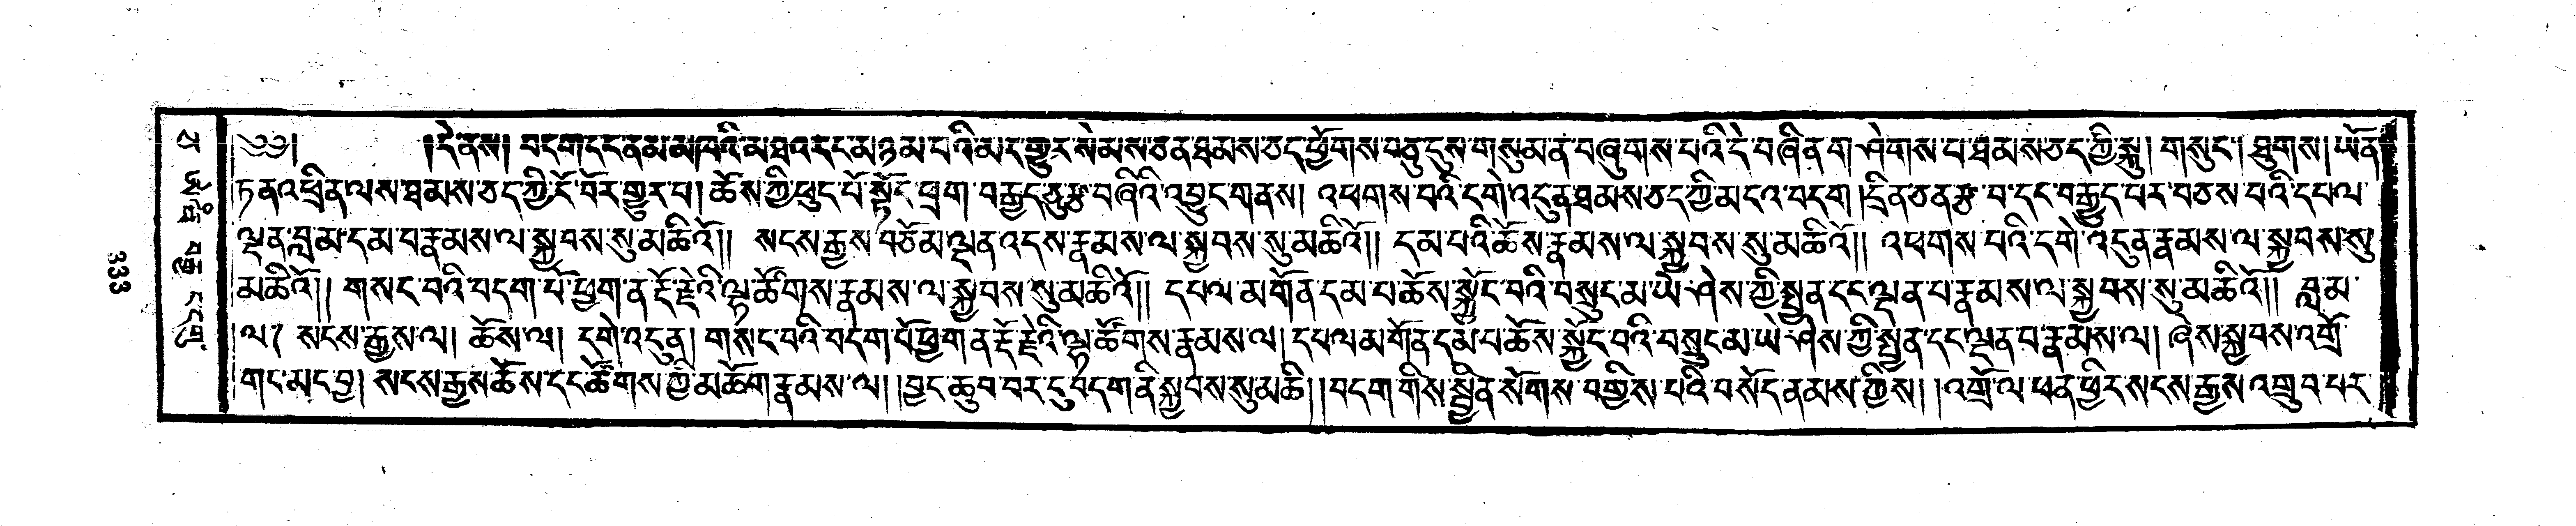༄༅། །དེ་ནས། བདག་དང་ནམ་མཁའི་མཐཱ་དང་མཉམ་པའི་མར་གྱུར་སེམས་ཅན་ཐམས་ཅད་ཕྱོགས་བཅུ་དུས་གསུམ་ན་བཞུགས་པའི་དེ་བཞིན་གཤེགས་པ་ཐམས་ཅད་ཀྱི་སྐུ། གསུང་། ཐུགས། ཡོན་
ཏན་འཕྲིན་ལས་ཐམས་ཅད་ཀྱི་ངོ་བོར་གྱུར་པ། ཆོས་ཀྱི་ཕུང་པོ་སྟོང་ཕྲག་བརྒྱད་ཅུ་རྩ་བཞིའི་འབྱུང་གནས། འཕགས་པའི་དགེ་འདུན་ཐམས་ཅད་ཀྱི་མངའ་བདག །དྲིན་ཅན་རྩ་བ་དང་བརྒྱུད་པར་བཅས་པའི་དཔལ་
ལྡན་བླ་མ་དམ་པ་རྣམས་ལ་སྐྱབས་སུ་མཆིའོ། །སངས་རྒྱས་བཅོམ་ལྡན་འདས་རྣམས་ལ་སྐྱབས་སུ་མཆིའོ། །དམ་པའི་ཆོས་རྣམས་ལ་སྐྱབས་སུ་མཆིའོ། །འཕགས་པའི་དགེ་འདུན་རྣམས་ལ་སྐྱབས་སུ་
མཆིའོ། །གསང་བའི་བདག་པོ་ཕྱག་ན་རྡོ་རྗེའི་ལྷ་ཚོགས་རྣམས་ལ་སྐྱབས་སུ་མཆིའོ། །དཔལ་མགོན་དམ་པ་ཆོས་སྐྱོང་བའི་བསྲུང་མ་ཡེ་ཤེས་ཀྱི་སྤྱན་དང་ལྡན་པ་རྣམས་ལ་སྐྱབས་སུ་མཆིའོ། །བླ་མ་
ལ༑ སངས་རྒྱས་ལ། ཆོས་ལ། དགེ་འདུན། གསང་བའི་བདག་པོ་ཕྱག་ན་རྡོ་རྗེའི་ལྷ་ཚོགས་རྣམས་ལ། དཔལ་མགོན་དམ་པ་ཆོས་སྐྱོང་བའི་བསྲུང་མ་ཡེ་ཤེས་ཀྱི་སྤྱན་དང་ལྡན་པ་རྣམས་ལ། ཞེས་སྐྱབས་འགྲོ་
གང་མང་བྱ། སངས་རྒྱས་ཆོས་དང་ཚོགས་ཀྱི་མཆོག་རྣམས་ལ། །བྱང་ཆུབ་བར་དུ་བདག་ནི་སྐྱབས་སུ་མཆི། །བདག་གིས་སྦྱིན་སོགས་བགྱིས་པའི་བསོད་ནམས་ཀྱིས། །འགྲོ་ལ་ཕན་ཕྱིར་སངས་རྒྱས་འགྲུབ་པར་